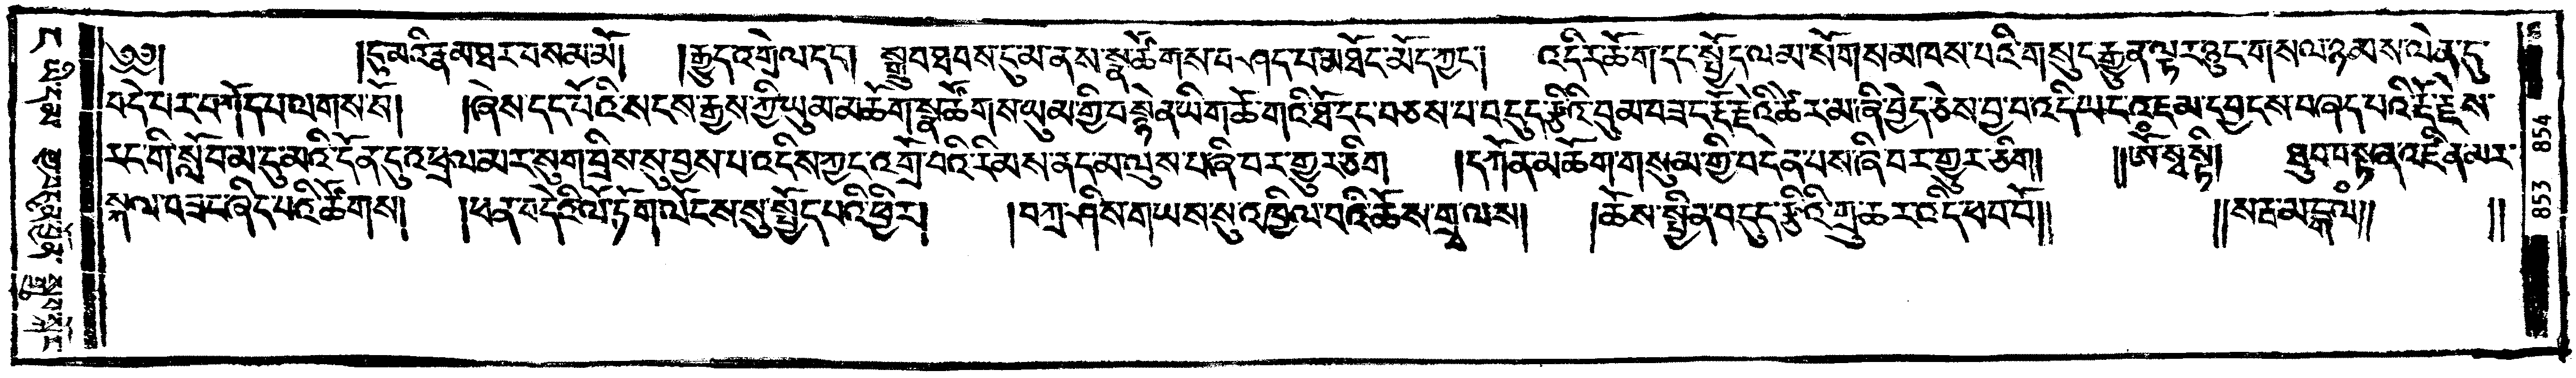༄༅། །དུ་མའི་རྣམ་ཐར་བསམ་མོ། །རྒྱུད་འགྲེལ་དང་། སྒྲུབ་ཐབས་དུ་མ་ནས་སྣ་ཚོགས་བཤད་པ་མཐོང་མོད་ཀྱང་། འདིར་ཆོ་ག་དང་སྤྱོད་ལམ་སོགས་མཁས་པའི་གསུང་རྒྱུན་ལྟར་ཉུང་གསལ་ཉམས་ལེན་དུ་
བདེ་པར་བཀོད་པ་ལགས་སོ། །ཞེས་དང་པོའི་སངས་རྒྱས་ཀྱི་ཡུམ་མཆོག་སྣ་ཚོགས་ཡུམ་གྱི་བསྙེན་ཡིག་ཆོ་གའི་ཐོ་དང་བཅས་པ་བདུད་རྩིའི་བུམ་བཟང་རྡོ་རྗེའི་ཚེ་ར་མ་ཞི་བྱེད་ཅེས་བྱ་བ་འདི་ཡང་འཇམ་དབྱངས་བཞད་པའི་རྡོ་རྗེས་
རང་གི་སློབ་མ་དུ་མའི་དོན་དུ་འཕྲལ་མར་སུག་བྲིས་སུ་བྱས་པ་འདིས་ཀྱང་འགྲོ་བའི་རིམས་ནང་མ་ལུས་པ་ཞི་བར་གྱུར་ཅིག །དཀོན་མཆོག་གསུམ་གྱི་བདེན་པས་ཞི་བར་གྱུར་ཅིག། །།ཨོཾ་སྭ་སྟི། ཐུབ་བསྟན་འཛིན་མར་
སྐལ་བཟང་ཞིང་པའི་ཚོགས། །ཕན་བདེའི་ལོ་ཏོག་ལོངས་སུ་སྦྱོད་པའི་ཕྱིར། །བཀྲ་ཤིས་གཡས་སུ་འཁྱིལ་པའི་ཆོས་གྲྭ་ལས། །ཆོས་སྦྱིན་བདུད་རྩིའི་གྲུ་ཆར་འདི་ཕབ་བོ།། །།སརྦ་མངྒ་ལཾ།། །།